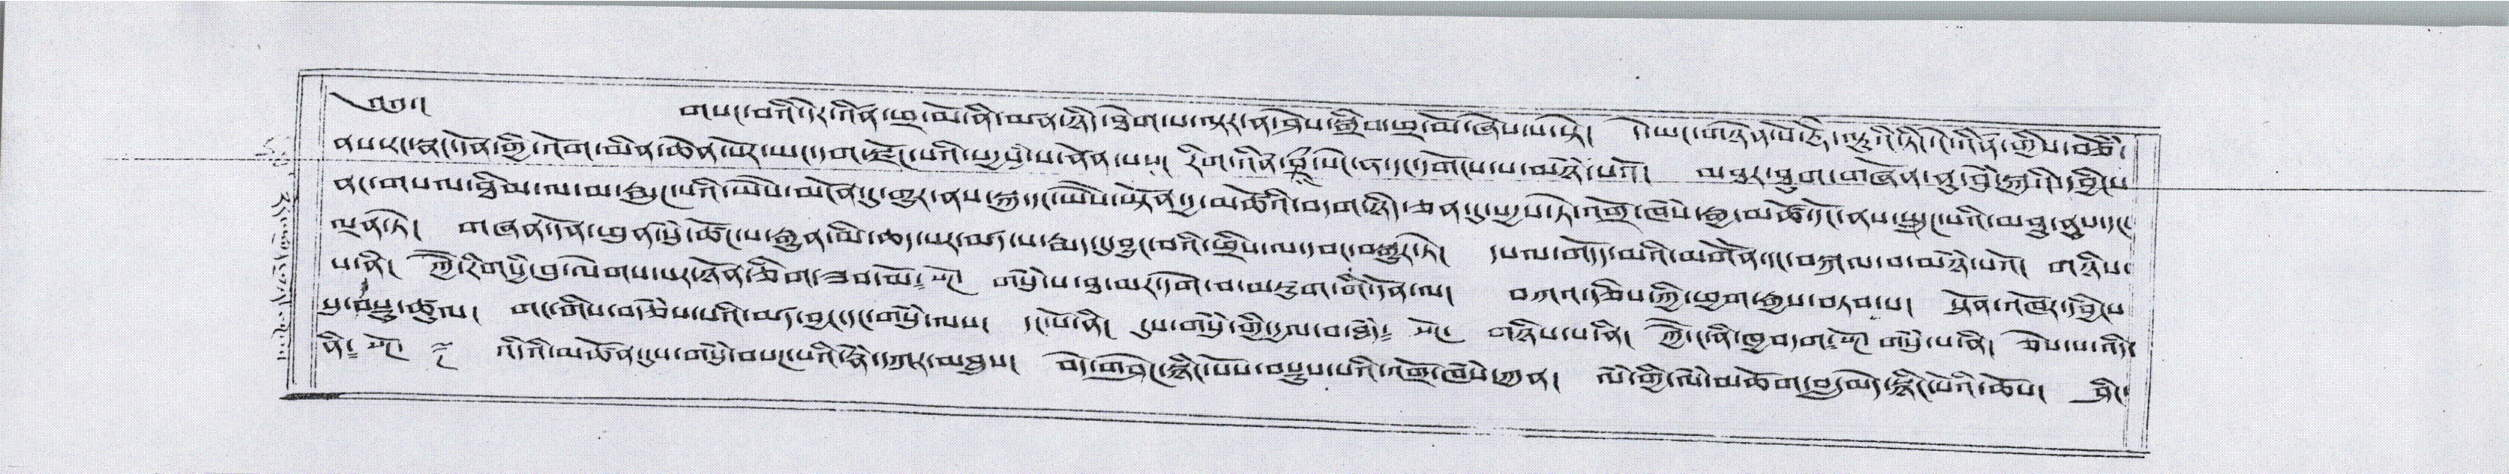གསང་བའི་དེར་འཛིན་ཕྲ་མོ་ནི། མཚན་ཉིད་ཐེག་པ་ལྟར་ན་ཤེས་སྒྲིབ་ཕྲ་མོ་ཞེས་པ་སྟེ། དེ་ཡང་གཉེན་པོ་རྡོ་རྗེ་ལྟ་བུའི་ཏིང་ངེ་འཛིན་གྱིས་བཅོམ་
ནས་རང་སྣང་དོན་གྱི་འོག་མིན་ཆེན་པོར་ཡང་དག་རྫོགས་པའི་སངས་རྒྱས་ས་ནོན་པས། རིག་འཛིན་ཤྲཱི་སིང་ཧ་དང་དགོངས་པ་མཉམ་པའོ། མཐར་ཐུག་གཞོན་ནུ་བུམ་སྐུའི་དབྱིངས་
ནང་གསལ་ཐིམ་ལ་མ་རྨུགས་པའི་ཡེ་ཤེས་མངོན་དུ་གྱུར་ནས་སྐུ་དང་ཡེ་ཤེས་ཡོན་ཏན་རྒྱ་མཚོའི་བདག་ཉིད་ཅན་དུ་སངས་རྒྱས་ཏེ་འགྲོ་ཁམས་རྒྱ་མཚོ་དོང་ནས་སྤྲུགས་པའི་མཐུ་ནུས་དང་
ལྡན་ཏེ། གཞན་དོན་ཕུན་སུམ་ཚོགས་པ་རྒྱུན་མི་འཆད་པ་མཛད་པ་རྨད་དུ་བྱུང་བའི་འཕྲིན་ལས་ལ་དབང་བསྒྱུར་ཏེ། དཔལ་གདོད་མའི་མགོན་པོ་དང་སྐལ་པ་མཉམ་པའོ། གཉིས་
པ་ནི། ཀྱེ་རིགས་ཀྱི་བུ། ལེགས་པར་ཉོན་ཅིག་ཟབ་མོ། སོགས། གསུམ་པ་ཐ་མར་དགེ་བ་འཇུག་གི་དོན་ལ། བཀའ་རྩིས་ཀྱི་ཕྱག་རྒྱས་བཏབ་པ། སྟོན་འཁོར་དབྱིངས་
སུ་བསྡུ་ཚུལ། གང་གིས་བརྩམས་པའི་མཛད་བྱང་དང་གསུམ་ལས། དང་པོ་ནི། དུས་གསུམ་གྱི་རྒྱལ་བ་ཐམས་ཅད། སོགས། གཉིས་པ་ནི། ཀྱཻ་ང་ནི་ཁྱབ་བདག་སོགས། གསུམ་པ་ནི། ཅེས་པ་འདི་
ནི་སོགས། ༧ འདིས་མཚོན་དུས་གསུམ་བསགས་པའི་རྣམ་དཀར་མཐུས། བདེ་གཤེགས་སྙིང་པོས་བསྡུས་པའི་འགྲོ་ཁམས་ཀུན། ལམ་གྱི་ལམ་མཆོག་བླ་མེད་སྙིང་པོའི་ཆོས། ཤིང་